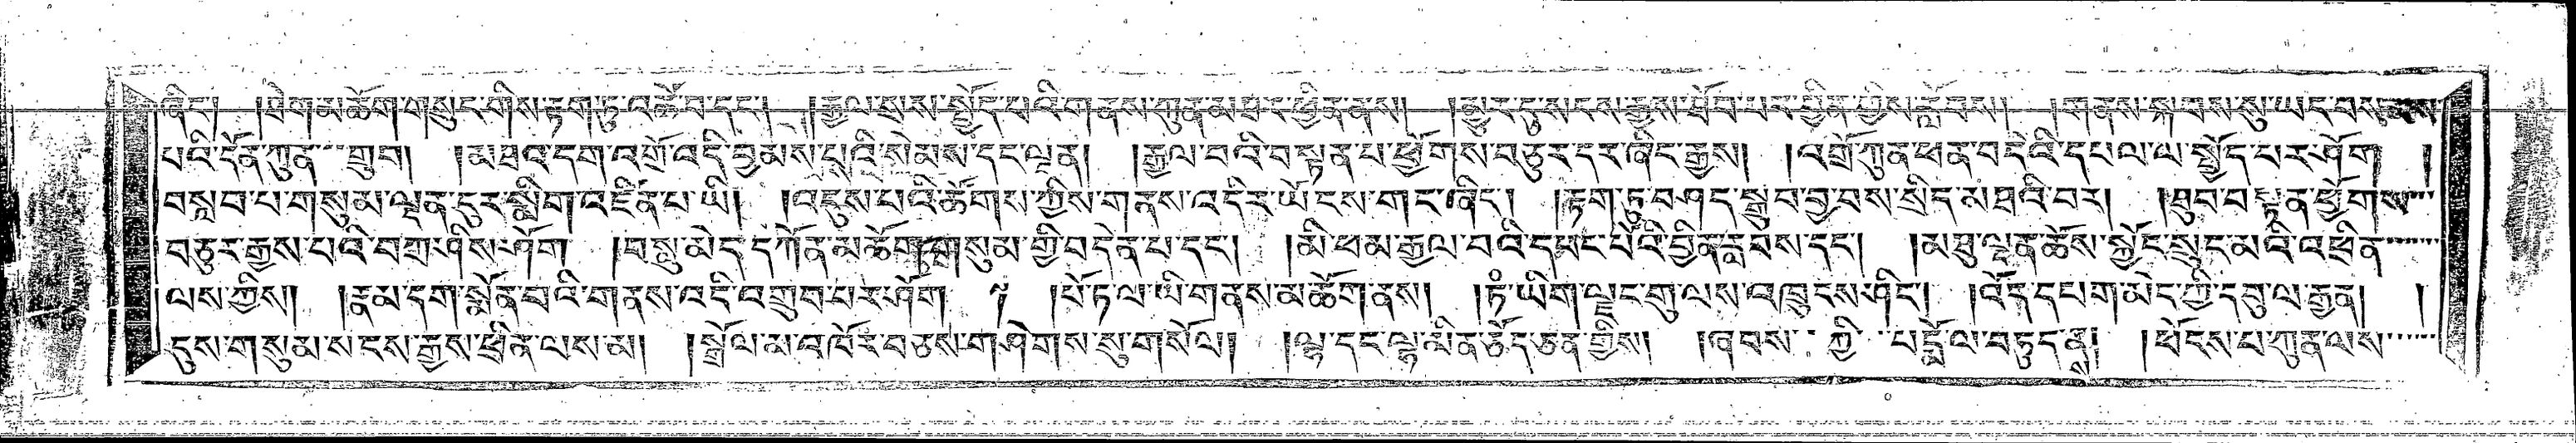ཞིང་། །ཐེག་མཆོག་གསྲུང་གིས་རྟག་ཏུ་འཚེ་བ་དང་། །རྒྱལ་སྲས་སྤྱོད་པའི་གནས་ཀུན་མཐར་ཕྱིན་ནས། །མྱུར་དུ་སངས་རྒྱས་ཐོབ་པར་བྱིན་གྱིས་རློབས། །གནས་སྐབས་སུ་ཡང་བསམས་
པའི་དོན་ཀུན་གྲུབ། །མཐའ་དག་འགྲོ་འདི་བྱམས་པའི་སེམས་དང་ལྡན། །རྒྱལ་བའི་བསྟན་པ་ཕྱོགས་བཅུར་དར་ཞིང་རྒྱས། །འགྲོ་ཀུན་ཕན་བདེའི་དཔལ་ལ་སྤྱོད་པར་ཤོག །
བསླབ་པ་གསུམ་ལྡན་ངུར་སྨིག་འཛིན་པ་ཡི། །འདུས་པའི་ཚོགས་ཀྱིས་གནས་འདིར་ཡོངས་གང་ཞིང་། །རྟག་ཏུ་བཤད་སྒྲུབ་བྱ་བས་སྲིད་མཐའི་བར། །ཐུབ་བསྟན་ཕྱོགས་
བཅུར་རྒྱས་པའི་བཀྲ་ཤིས་ཤོག །བསླུ་མེད་དཀོན་མཆོག་གསུམ་གྱི་བདེན་པ་དང་། །མི་ཕམ་རྒྱལ་བའི་དབང་པོའི་བྱིན་རླབས་དང་། །མཐུ་ལྡན་ཆོས་སྐྱོང་སྲུང་མའི་འཕྲིན་
ལས་ཀྱིས། །རྣམ་དག་སྨོན་པའི་གནས་འདི་འགྲུབ་པར་ཤོག ༈ །པོ་ཏ་ལ་ཡི་གནས་མཆོག་ནས། །ཏཾ་ཡིག་ལྗང་གུ་ལས་འཁྲུངས་ཤིང་། །འོད་དཔག་མེད་ཀྱི་དབུ་ལ་རྒྱན། །
དུས་གསུམ་སངས་རྒྱས་ཕྲིན་ལས་མ། །སྒྲོལ་མ་འཁོར་བཅས་གཤེགས་སུ་གསོལ། །ལྷ་དང་ལྷ་མིན་ཅོད་ཅན་གྱིས། །ཞབས་ཀྱི་པདམོ་ལ་བཏུད་ནས། །ཕོངས་པ་ཀུན་ལས་